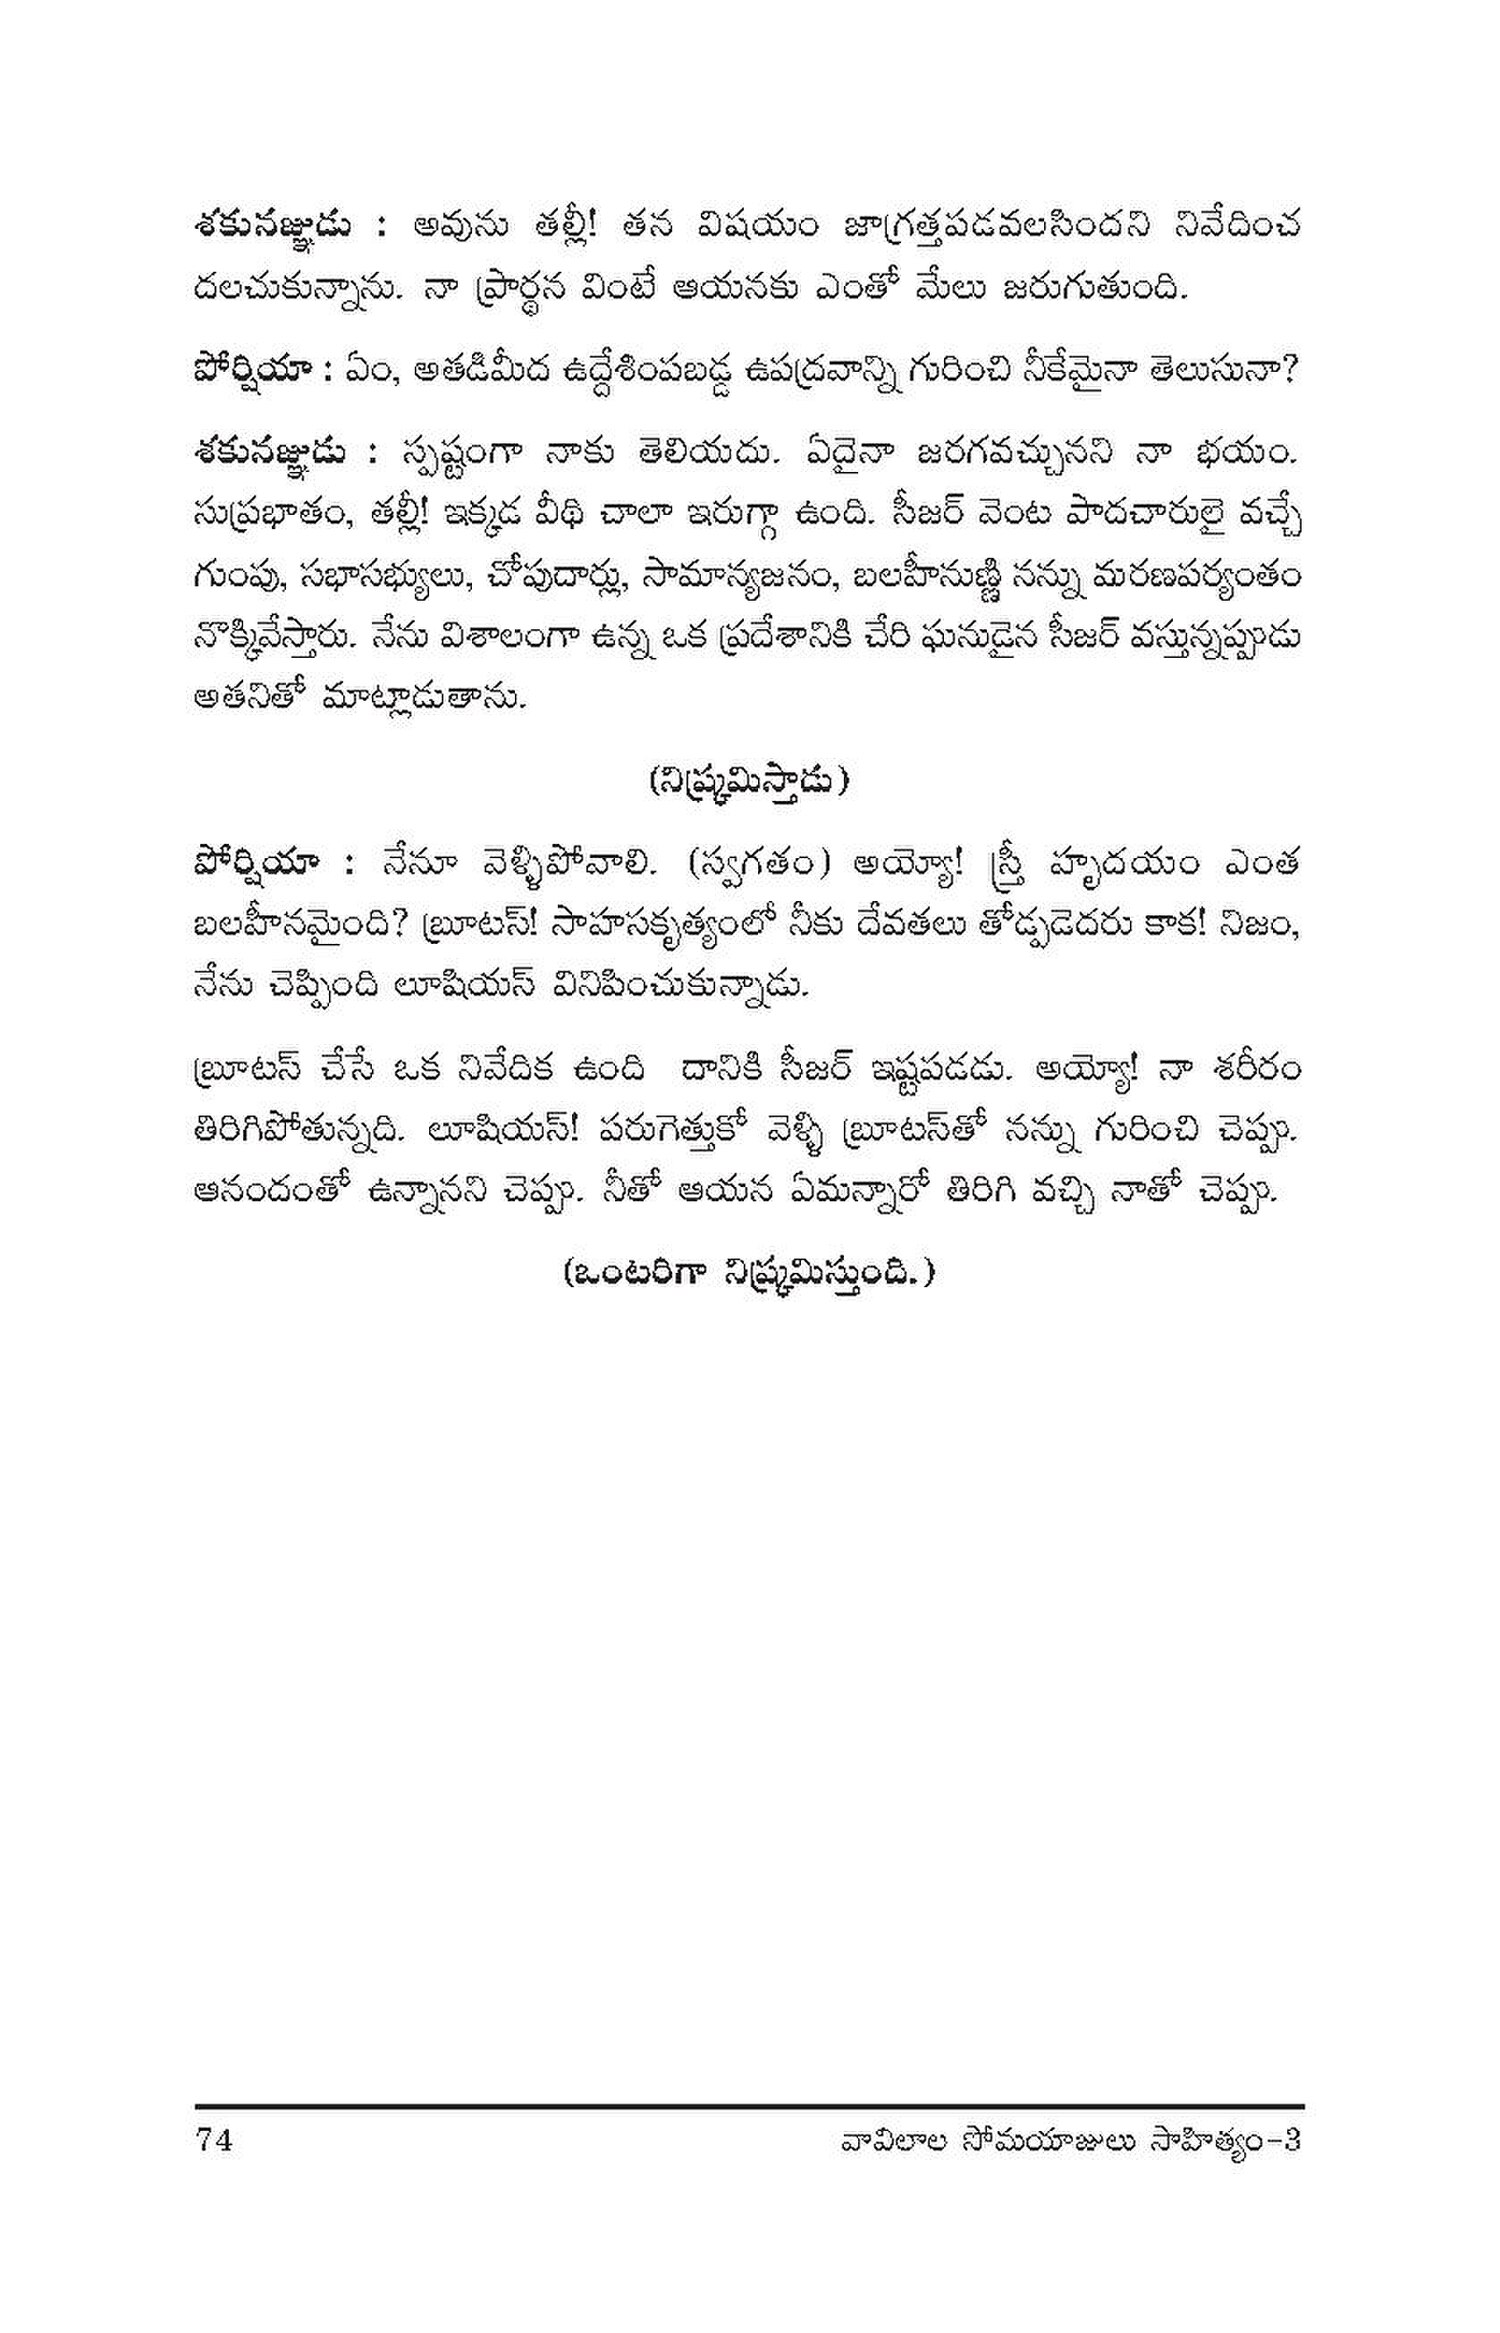శకునజ్ఞుడు : అవును తల్లీ! తన విషయం జాగ్రత్తపడవలసిందని నివేదించ దలచుకున్నాను. నా ప్రార్థన వింటే ఆయనకు ఎంతో మేలు జరుగుతుంది.

పోర్షియా : ఏం, అతడిమీద ఉద్దేశింపబడ్డ ఉపద్రవాన్ని గురించి నీకేమైనా తెలుసునా?

శకునజ్ఞుడు : స్పష్టంగా నాకు తెలియదు. ఏదైనా జరగవచ్చునని నా భయం. సుప్రభాతం, తల్లీ! ఇక్కడ వీథి చాలా ఇరుగ్గా ఉంది. సీజర్ వెంట పాదచారులై వచ్చే గుంపు, సభాసభ్యులు, చోపుదార్లు, సామాన్యజనం, బలహీనుణ్ణి నన్ను మరణపర్యంతం నొక్కివేస్తారు. నేను విశాలంగా ఉన్న ఒక ప్రదేశానికి చేరి ఘనుడైన సీజర్ వస్తున్నప్పుడు
అతనితో మాట్లాడుతాను.

పోర్షియా : నేనూ వెళ్ళిపోవాలి. (స్వగతం) అయ్యో! స్త్రీ హృదయం ఎంత బలహీనమైంది? బ్రూటస్! సాహస కృత్యంలో నీకు దేవతలు తోడ్పడెదరు కాక! నిజం, నేను చెప్పింది లూషియస్ వినిపించుకున్నాడు.

బ్రూటస్ చేసే ఒక నివేదిక ఉంది దానికి సీజర్ ఇష్టపడడు. అయ్యో! నా శరీరం తిరిగిపోతున్నది. లూషియస్! పరుగెత్తుకో వెళ్ళి బ్రూటస్ తొ నన్ను గురించి చెప్పు. ఆనందంతో ఉన్నానని చెప్పు. నీతో ఆయన ఏమన్నారో తిరిగి వచ్చి నాతో చెప్పు.